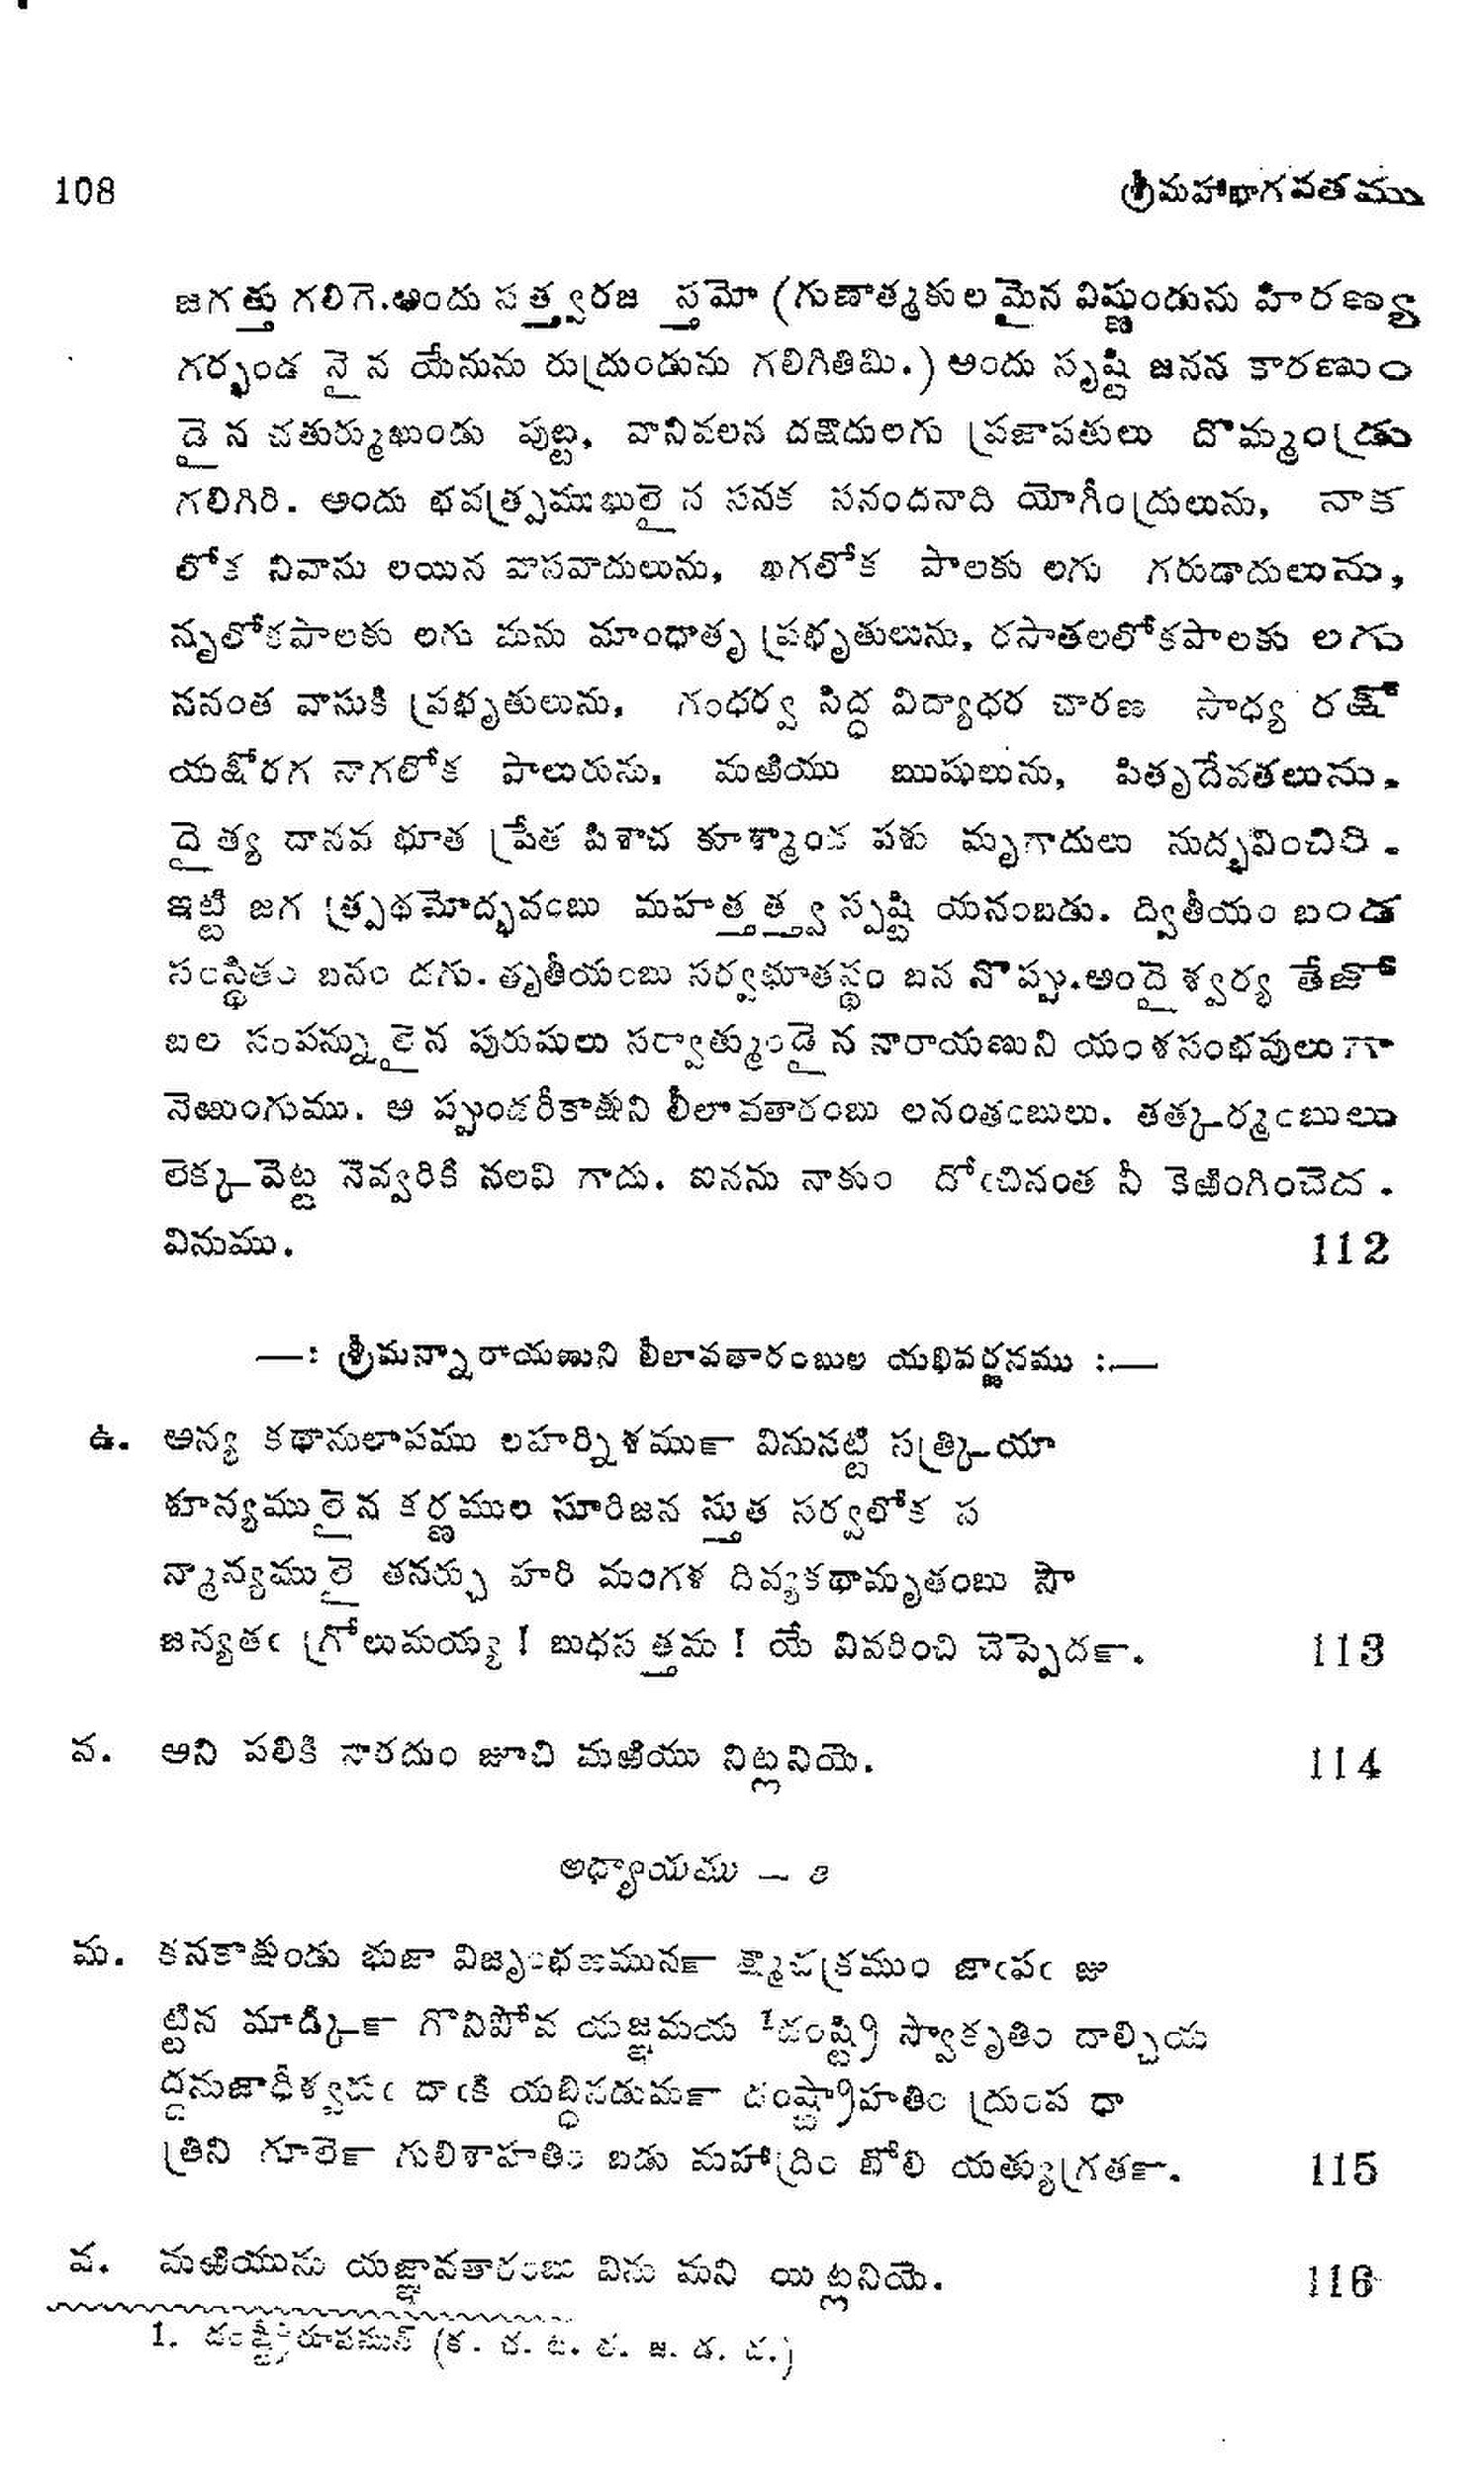108

జగత్తు గలిగె. అందు సత్త్వరజస్తమో ( గుణాత్మకులమైన విష్ణుండును హిరణ్య గర్భుండ నైన యేనును రుద్రుండును గలిగితిమి.) అందు సృష్టి జనన కారణుండైన చతుర్ముఖుండు పుట్ట, వానివలన దక్షాదులగు ప్రజాపతులు దొమ్మండ్రు గలిగిరి. అందు భవత్ప్రముఖులైన సనక సనందాది యోగీంద్రులును, నాగలోక నివాసులైన వాసవాదులును, ఖగలోక పాలకులగు గరుడాదులను, నృలోకపాలకు లగు మనుమాంధాతృ ప్రభ్రుతులును, రసాతలలోకపాలకు లగు ననంత వాసుకి ప్రభ్రుతులును, గంధర్వ సిద్ధ విద్యాధర చారణ సాధ్య రక్షో యక్షోరగ నాగలోక పాలురును, మఱియు ఋషులును, పితృదేవతలును, దైత్య దానవ భూత ప్రేత పిశాచ కూశ్మాండ పశు మృగాదులు నుద్భవించిరి. ఇట్టి జగ త్ప్రథమోద్భవంబు మహత్తత్త్వసృష్టి యనంబడు. ద్వితీయం బండ సంస్థితం బనం దగు. తృతీయంబు సర్వభూతస్థం బన నొప్పు. అందైశ్వర్య తేజోబల సంపన్నులైన పురుషులు సర్వాత్ముండైన నారాయణుని యంశసంభవులుగా నెఱుంగుము. అ ప్పుండరీకాక్షుని లీలావతారంబు లనంతంబులు, తత్కర్మంబులు లెక్కవెట్ట నెవ్వరికినలవి గాదు. ఐనను నాకుం దోఁచినంత నీ కెఱింగించెద. వినుము. ( 112 )

ఉ. అన్య కథానులాపము లహర్నిశమున్ వినునట్టి సత్ర్కియా

శూన్యములైన కర్ణముల సూరిజన స్తుత సర్వలోక స

న్మాన్యములై తనర్చు హరి మంగళ దివ్యకథామృతంబు సౌ 

జన్యతఁ గ్రోలుమయ్య ! బుధసత్తమ ! యే వివరించి చెప్పెదన్. ( 113)

వ. అరి పలికి నారదుం జూచి మఱియు నిట్లనియె. ( 114 )

మ. కనకాక్షుండు భుజా విజృంభణమునన్ క్ష్మాచక్రముం జాఁపఁ జు

ట్టిన మాడ్కిన్ గొనిపోవ యజ్ఞమయ దంష్టృ స్వాకృతిం దాల్చియ

ద్దనుజాధీశ్వరుఁ దాఁకి యబ్ధినడుమన్ దంష్టృహతిం ద్రుంప ధా

త్రిని గూలిన్ గులిశాహతిం బడు మహాద్రిం బోలి యత్యుగ్రతన్. ( 115 )

వ. మఱియును యజ్ఞావతారంబు విను మని యిట్లనియె. ( 116 )